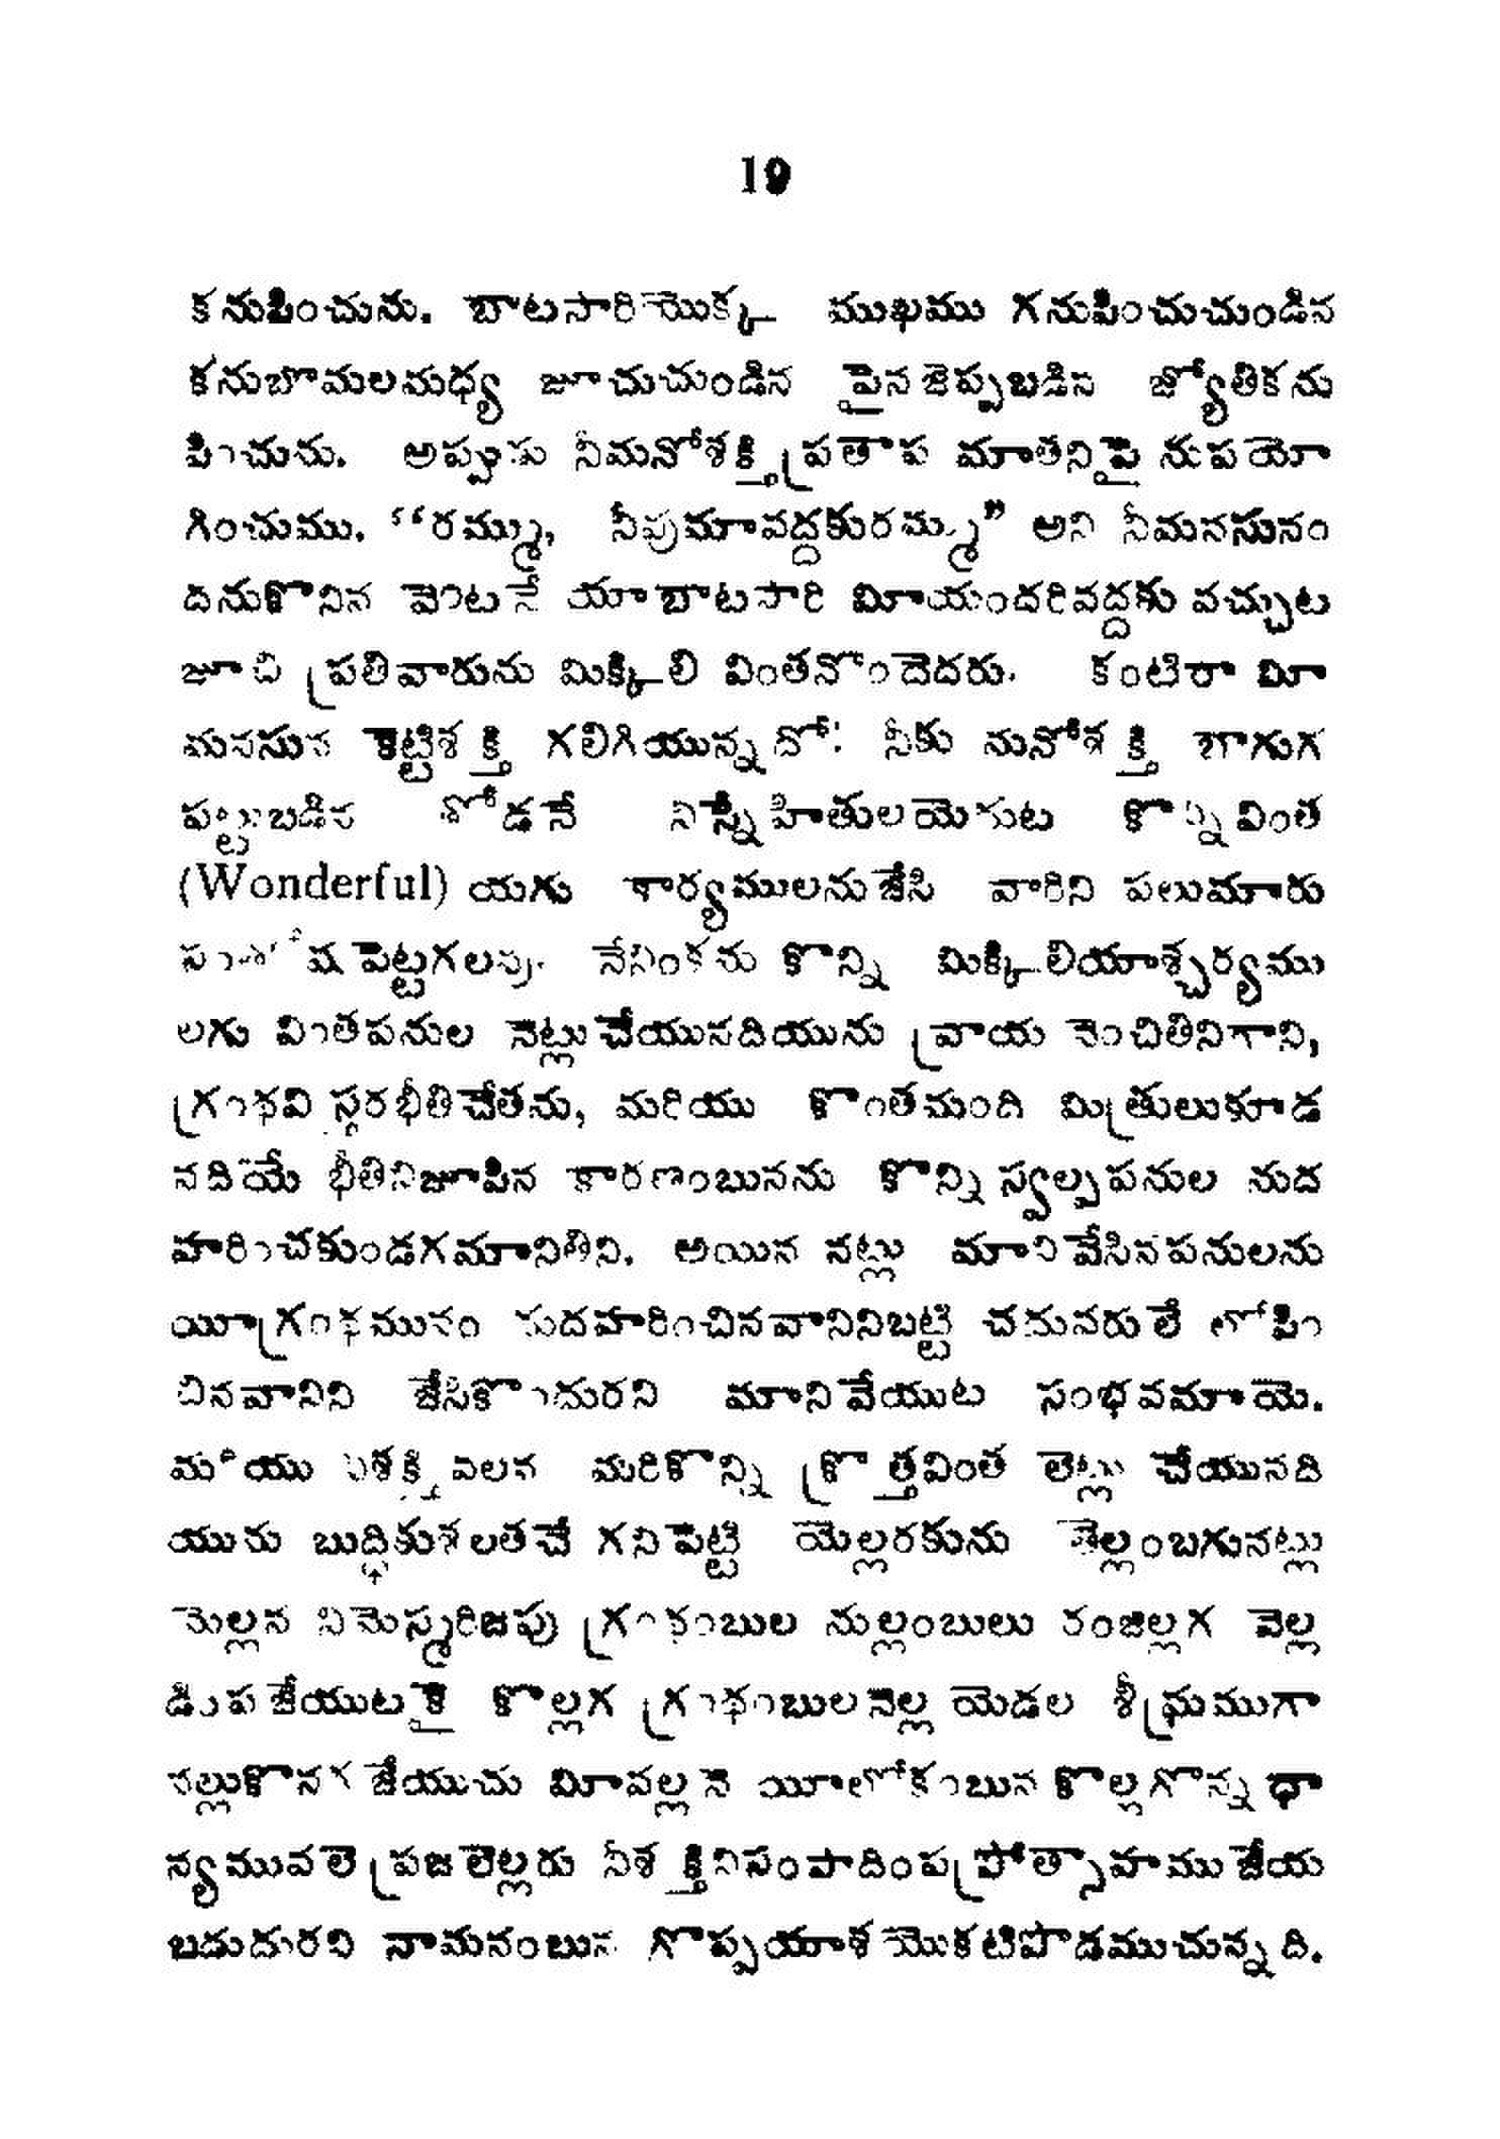కనుపించును. బాటసారియొక్క ముఖము గనుపించుచుండిన కనుబొమలమధ్య జూచుచుండిన పైన జెప్పబడిన జ్యోతికనుపించును. అప్పుడు నీమనోశక్తిప్రతాప మాతనిపై నుపయోగించుము. "రమ్ము, నీవుమా ద్దకురమ్ము” అని నీమనసునందనుకొనిన వెంటనే యాబాటసారి మీయందరివద్దకు వచ్చుట జూచి ప్రతివారును మిక్కిలి వింతనొందెదరు. కంటిరా మీ మనసున కెట్టిశక్తి గలిగియున్నదో! నీకు మనోశ క్తి బాగుగ పట్టుపడిన తోడనే నీస్నేహితులయెదుట కొన్నివింత (Wonderful) యగు కార్యములనుజేసి వారిని పలుమారు సంతోషపెట్టగలపు. నేనింకను కొన్ని మిక్కిలియాశ్చర్యములగు వింతపనుల నెట్లుచేయునదియును వ్రాయ నెంచితినిగాని, గ్రంథవిస్తరభీతిచేతను, మరియు
కొంతమంది మిత్రులుకూడ నదియే భీతినిజూపిన కారణంబునను కొన్ని స్వల్పపనుల నుదహరించ కుండగమానితిని. అయిన నట్లు మానివేసినపనులను యీగ్రంథమునం నుదహరించినవానినిబట్టి చదువరులే లోపించినవానిని జేసికొందురని మానివేయుట సంభవమాయె. మరియు నీశక్తి వలన మరికొన్ని క్రొత్తవింత లెట్లు చేయునదియును బుద్ధికుశలతచే గనిపెట్టి యెల్లరకును తెల్లంబగునట్లు
మెల్లన నీమెస్మరిజపు గ్రంథంబుల నుల్లంబులు రంజిల్లగ వెల్లడింపజేయుటకై కొల్లగ గ్రంథంబులనెల్ల యెడల శీఘ్రముగా నల్లుకొనగ జేయుచు మీవల్లనె యీలోకంబున కొల్లగొన్న ధాన్యమువలె
ప్రజలెల్లరు నీశక్తినిసంపాదింప ప్రోత్సాహముజేయ బడుదురని నామనంబున గొప్పయాశయొకటి పొడముచున్నది.